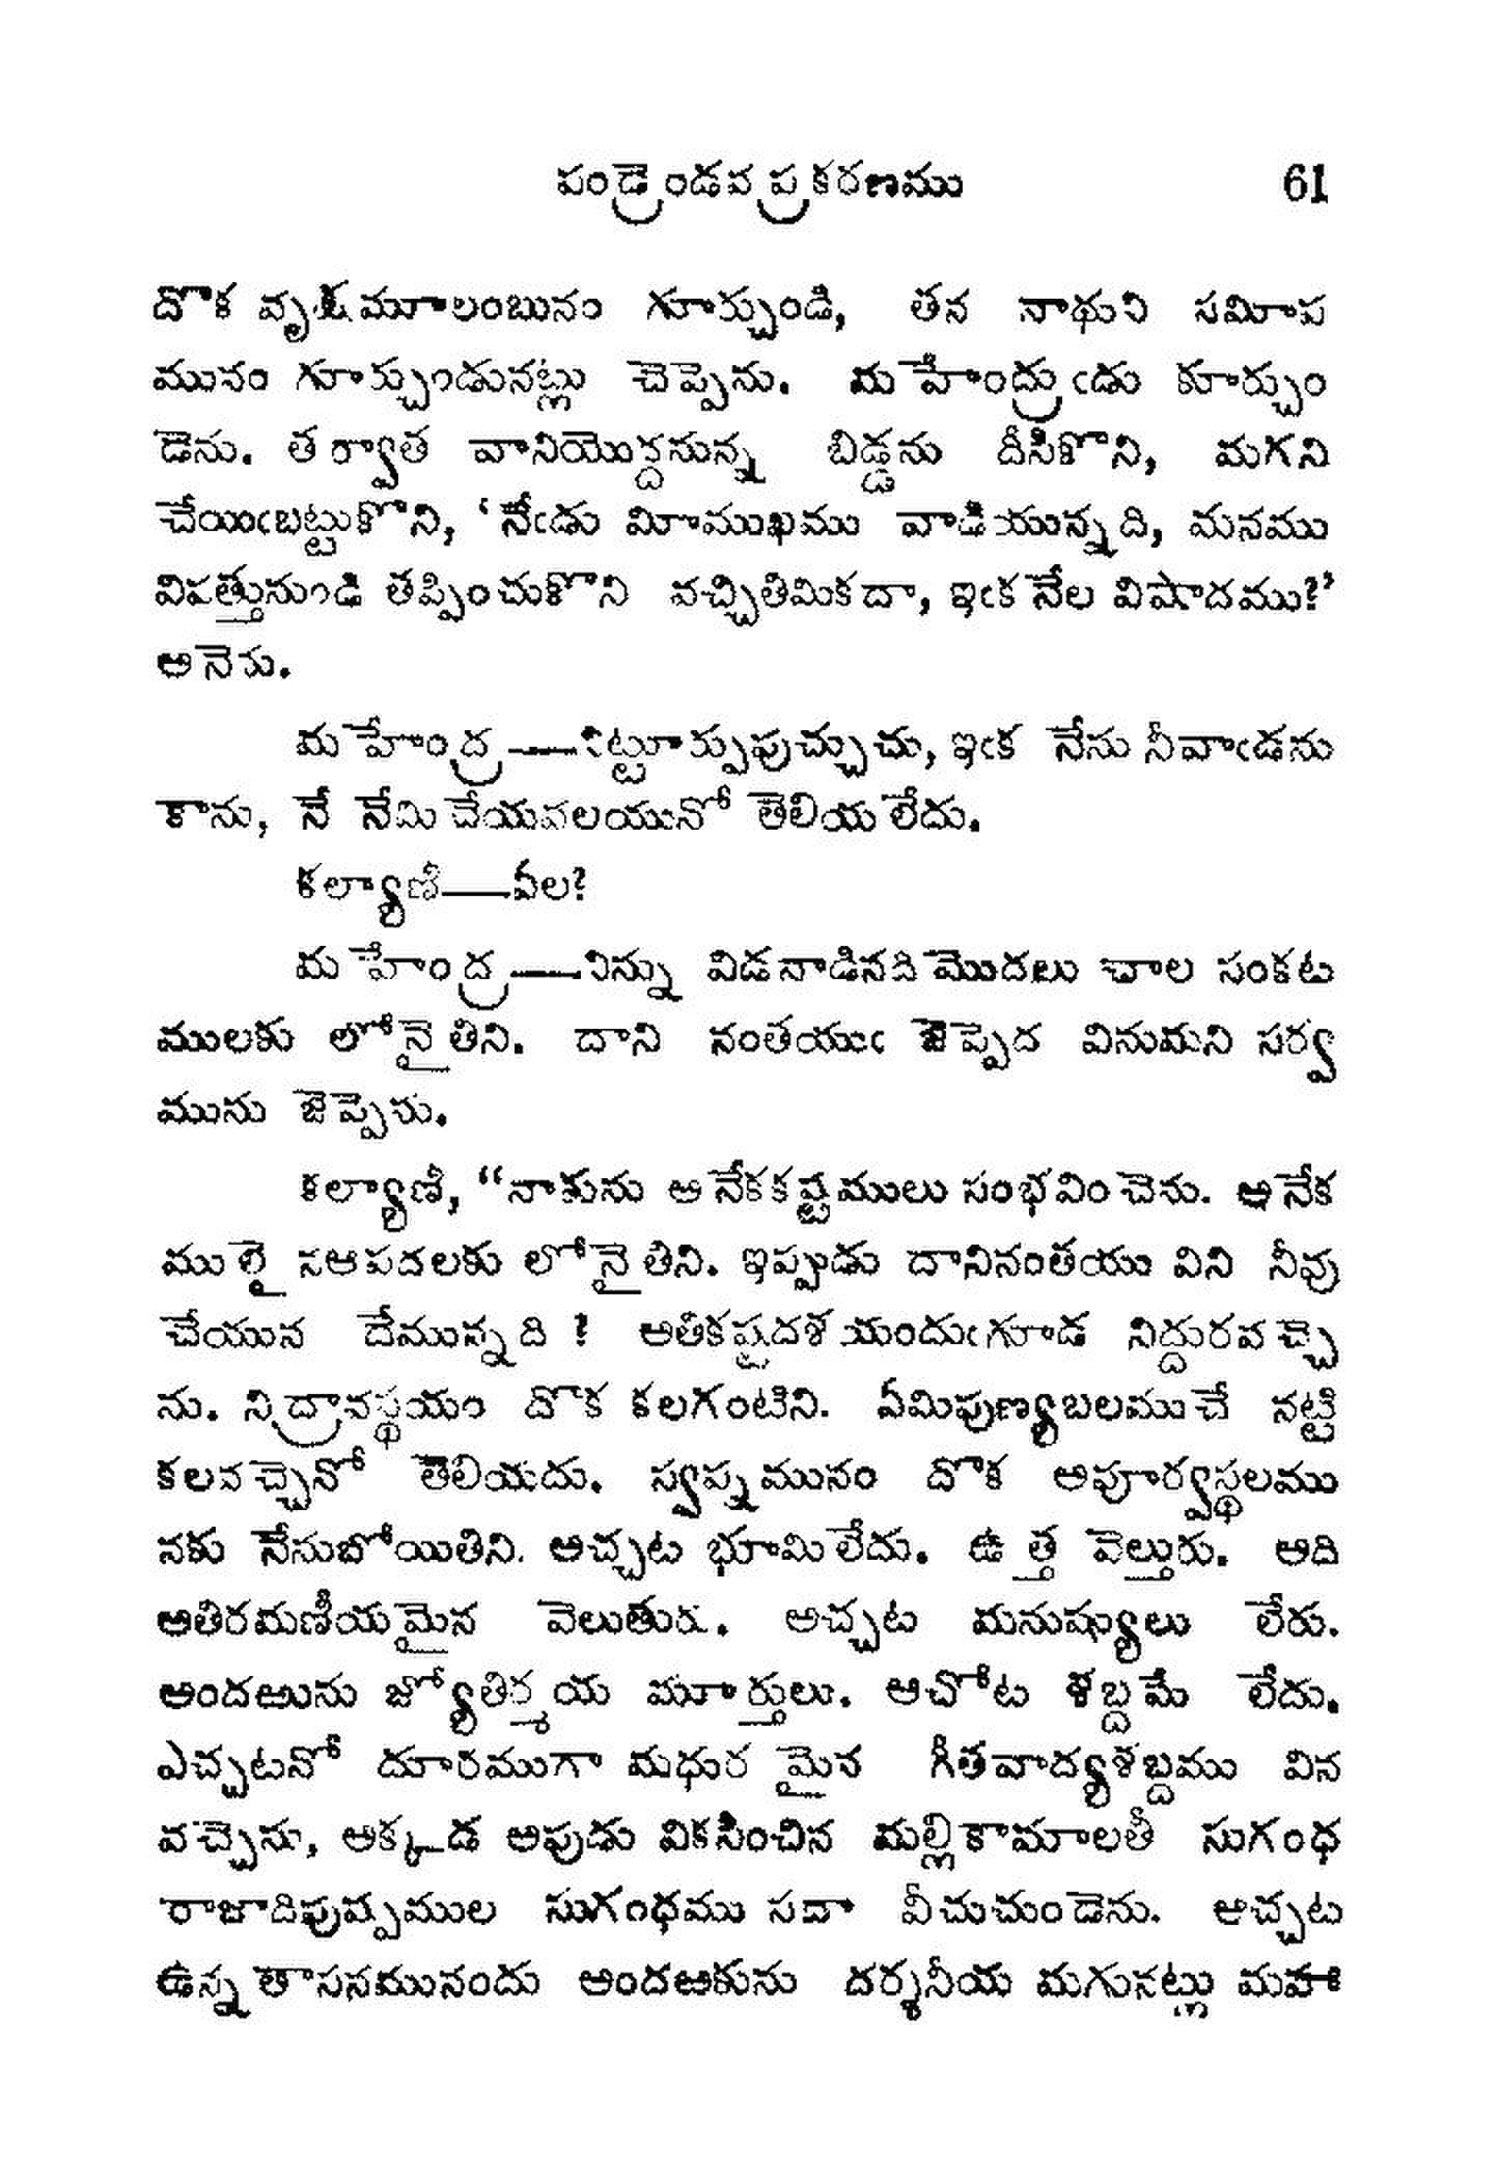దొక వృక్షమూలంబునం గూర్చుండి, తన నాథుని సమీపమునం గూర్చుండునట్లు చెప్పెను. మహేంద్రుఁడు కూర్చుండెను. తర్వాత వానియొద్దనున్న బిడ్డను దీసికొని, మగని చేయిఁబట్టుకొని, 'నేఁడు మీముఖము వాడి యున్నది, మనము విపత్తునుండి తప్పించుకొని వచ్చితిమికదా, ఇఁక నేల విషాదము?' అనెను.

మహేంద్ర——నిట్టూర్పుపుచ్చుచు, ఇఁక నేను నీ వాఁడను కాను, నే నేమి చేయవలయునో తెలియలేదు.

కల్యాణీ——ఏల?

మహేంద్ర—— నిన్ను విడనాడినది మొదలు చాల సంకటములకు లోనైతిని, దాని నంతయుఁ జెప్పెద వినుమని సర్వమును జెప్పెను.

కల్యాణీ, “నాకును అనేక కష్టములు సంభవించెను. అనేకములైన ఆపదలకు లోనై తిని. ఇప్పుడు దానినంతయు విని నీవు చేయున దేమున్నది? అతికష్ట దశ యందుఁగూడ నిద్దురవచ్చెను. నిద్రావస్థయం దొక కలగంటిని. ఏమిపుణ్యబలముచే నట్టి కలవచ్చెనో తెలియదు. స్వప్నమునం దొక అపూర్వస్థలమునకు నేనుబోయితిని. అచ్చట భూమీ లేదు. ఉత్త వెల్తురు. అది అతిరమణీయమైన వెలుతురు. అచ్చట మనుష్యులు లేరు. అందఱును జ్యోతిర్మయ మూర్తులు, ఆచోట శబ్దమే లేదు. ఎచ్చటనో దూరముగా మధురమైన గీతవాద్యశబ్దము వినవచ్చెను, అక్కడ అపుడు వికసించిన మల్లికామాలతీ సుగంధ రాజాది పుష్పముల సుగంధము సదా వీచుచుండెను. అచ్చట ఉన్న తాసనమునందు అందఱకును దర్శనీయ మగునట్లు మహా